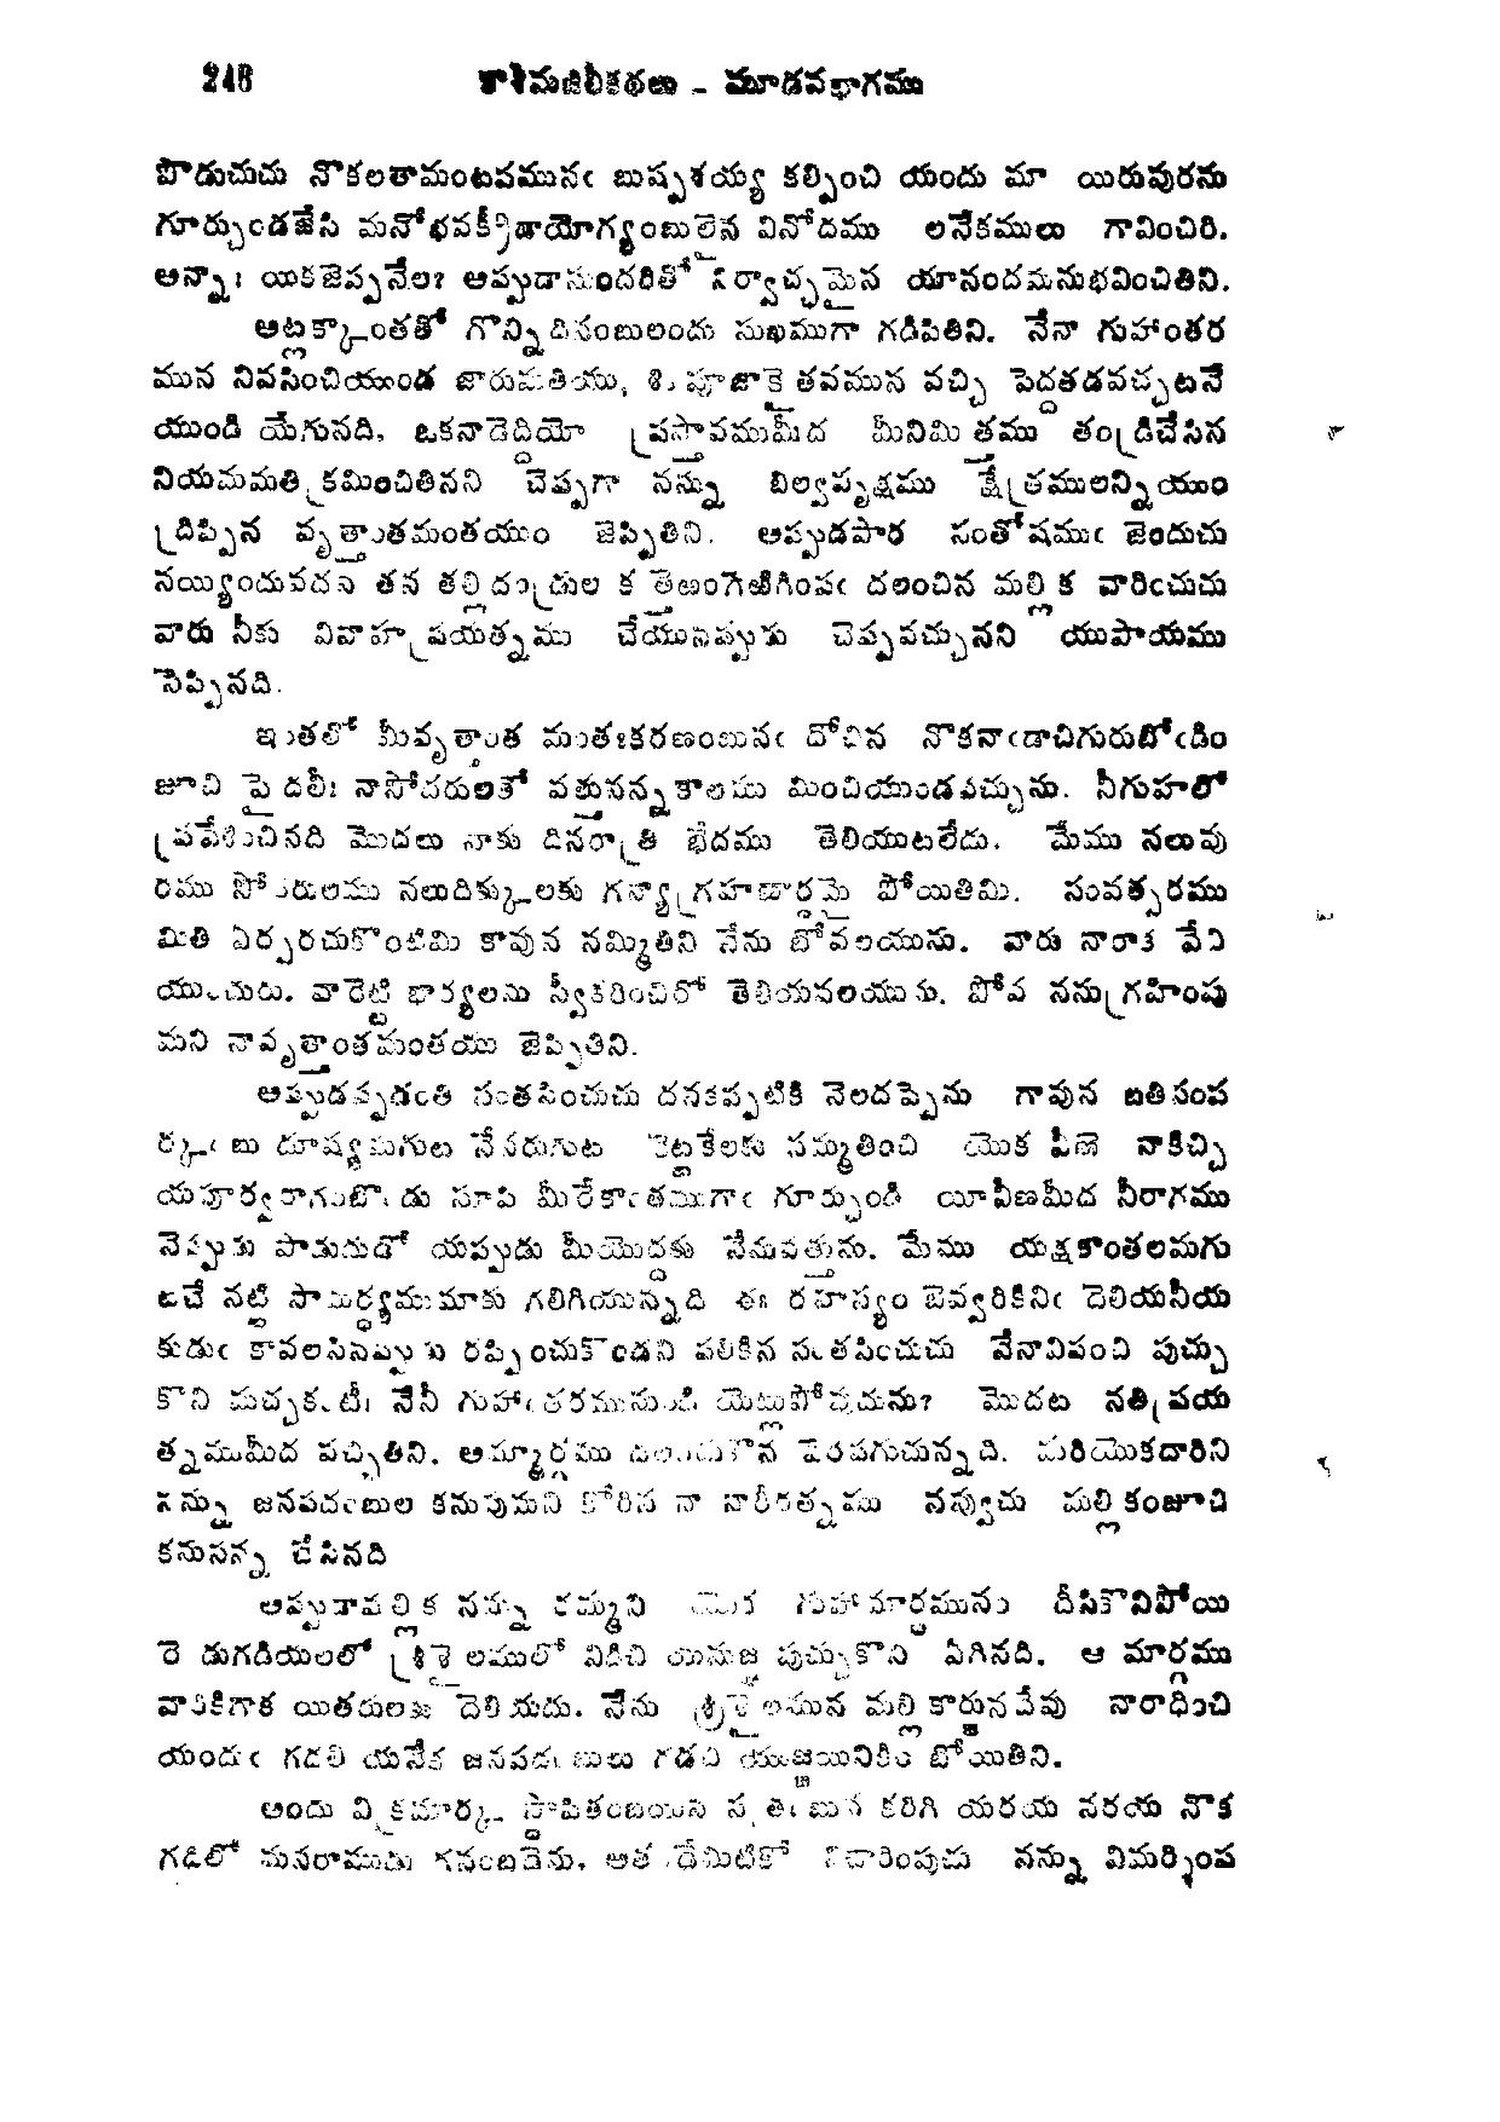పొడుచుచు నొకలతామంటపమునఁ బుష్పశయ్య కల్పించి యందు మా యిరువురను గూర్చుండజేసి మనోభవక్రీడాయోగ్యంబులైన వినోదము లనేకములు గావించిరి. అన్నా! యికజెప్పనేల? అప్పుడాసుందరితో నిర్వాచ్ఛమైన యానందమనుభవించితిని.

అట్లక్కాంతతో గొన్నిదినంబులందు సుఖముగా గడిపితిని. నేనా గుహాంతరమున నివసించియుండ జారుమతియు, శివపూజాకైతవమున వచ్చి పెద్దతడ వచ్చటనే యుండి యేగునది, ఒకనాడెద్దియో ప్రస్తావముమీద మీనిమిత్తము తండ్రిచేసిన నియమమతి క్రమించితినని చెప్పగా నన్ను బిల్వవృక్షము క్షేత్రములన్నియుం ద్రిప్పిన వృత్తాంతమంతయుం జెప్పితిని. అప్పు డపారసంతోషముఁ జెందుచు
నయ్యిందువదన తన తల్లిదండ్రుల కత్తెఱంగెఱిగింపఁ దలంచిన మల్లిక వారించుచు వారు నీకు వివాహప్రయత్నము చేయునప్పుడు చెప్పవచ్చునని యుపాయము సెప్పినది.

ఇంతలో మీవృత్తాంత మంతఃకరణంబునఁ దోచిన నొకనాఁడాచిగురుబోఁడిం జూచి పైదలీ? నాసోదరులతో వత్తునన్నకాలము మించియుండవచ్చును. నీగుహలో ప్రవేశించినది మొదలు నాకు దినరాత్రి భేదము తెలియుటలేదు. మేము నలువురము సోదరులము నలుదిక్కులకు గన్యాగ్రహణార్దమై పోయితిమి. సంవత్సరము మితి ఏర్పరచుకొంటిమి కావున నమ్మితిని నేను బోవలయును. వారు నారాక వేచి యుందురు. వారెట్టి భార్యలను స్వీకరించిరో తెలియవలయును. పోవ ననుగ్రహింపుమని నావృత్తాంతమంతయు జెప్పితిని.

అప్పు డప్పడంతి సంతసించుచు దనకప్పటికి నెలదప్పెను గావున బతిసంపర్కంబు దూష్యమగుట నేనరుగుట కెట్టకేలకు సమ్మతించి యొక వీణె నాకిచ్చి యపూర్వరాగంబొండు సూపి మీరేకాంతముగాఁ గూర్చుండి యీవీణమీద నీరాగము నెప్పుడు పాడుదురో యప్పుడు మీయొద్దకు నేనువత్తును. మేము యక్షకాంతలమగుటచే నట్టి సామర్ధ్యముమాకు గలిగియున్నది. ఈ రహస్యం బెవ్వరికినిఁ దెలియనీయకుడుఁ కావలసినప్పుడు రప్పించుకొండని పలికిన సంతసించుచు నేనావిపంచి పుచ్చుకొని మచ్చకంటీ! నేనీ గుహాంతరమునుండి యెట్లుపోవుదును? మొదట నతిప్రయత్నముమీద వచ్చితిని. అమ్మార్గము దలంచుకొన వెరపగుచున్నది. మరియొకదారిని నన్ను జనపదంబుల కనుపుమని కోరిన నా నారీరత్నము నవ్వుచు మల్లికంజూచి కనుసన్న చేసినది

అప్పుడామల్లిక నన్ను రమ్మని యొక గుహామార్గమునం దీసికొనిపోయి రెండుగడియలలో శ్రీశైలములో విడిచి యనుజ్ఞ పుచ్చుకొని ఏగినది. ఆ మార్గము వారికిగాక యితరులకు దెలియదు. నేను శ్రీశైలమున మల్లికార్జునదేవు నారాధించి యందుఁ గదలి యనేకజనపదంబులు గడచి యుజ్జయినికిం బోయితిని.

అందు విక్రమార్కస్థాపితంబయిన సత్రంబున కరిగి యరయ నరయ నొక గదిలో మనరాముడు గనంబడెను. అతండేమిటికో విచారింపుచు నన్ను విమర్శింప